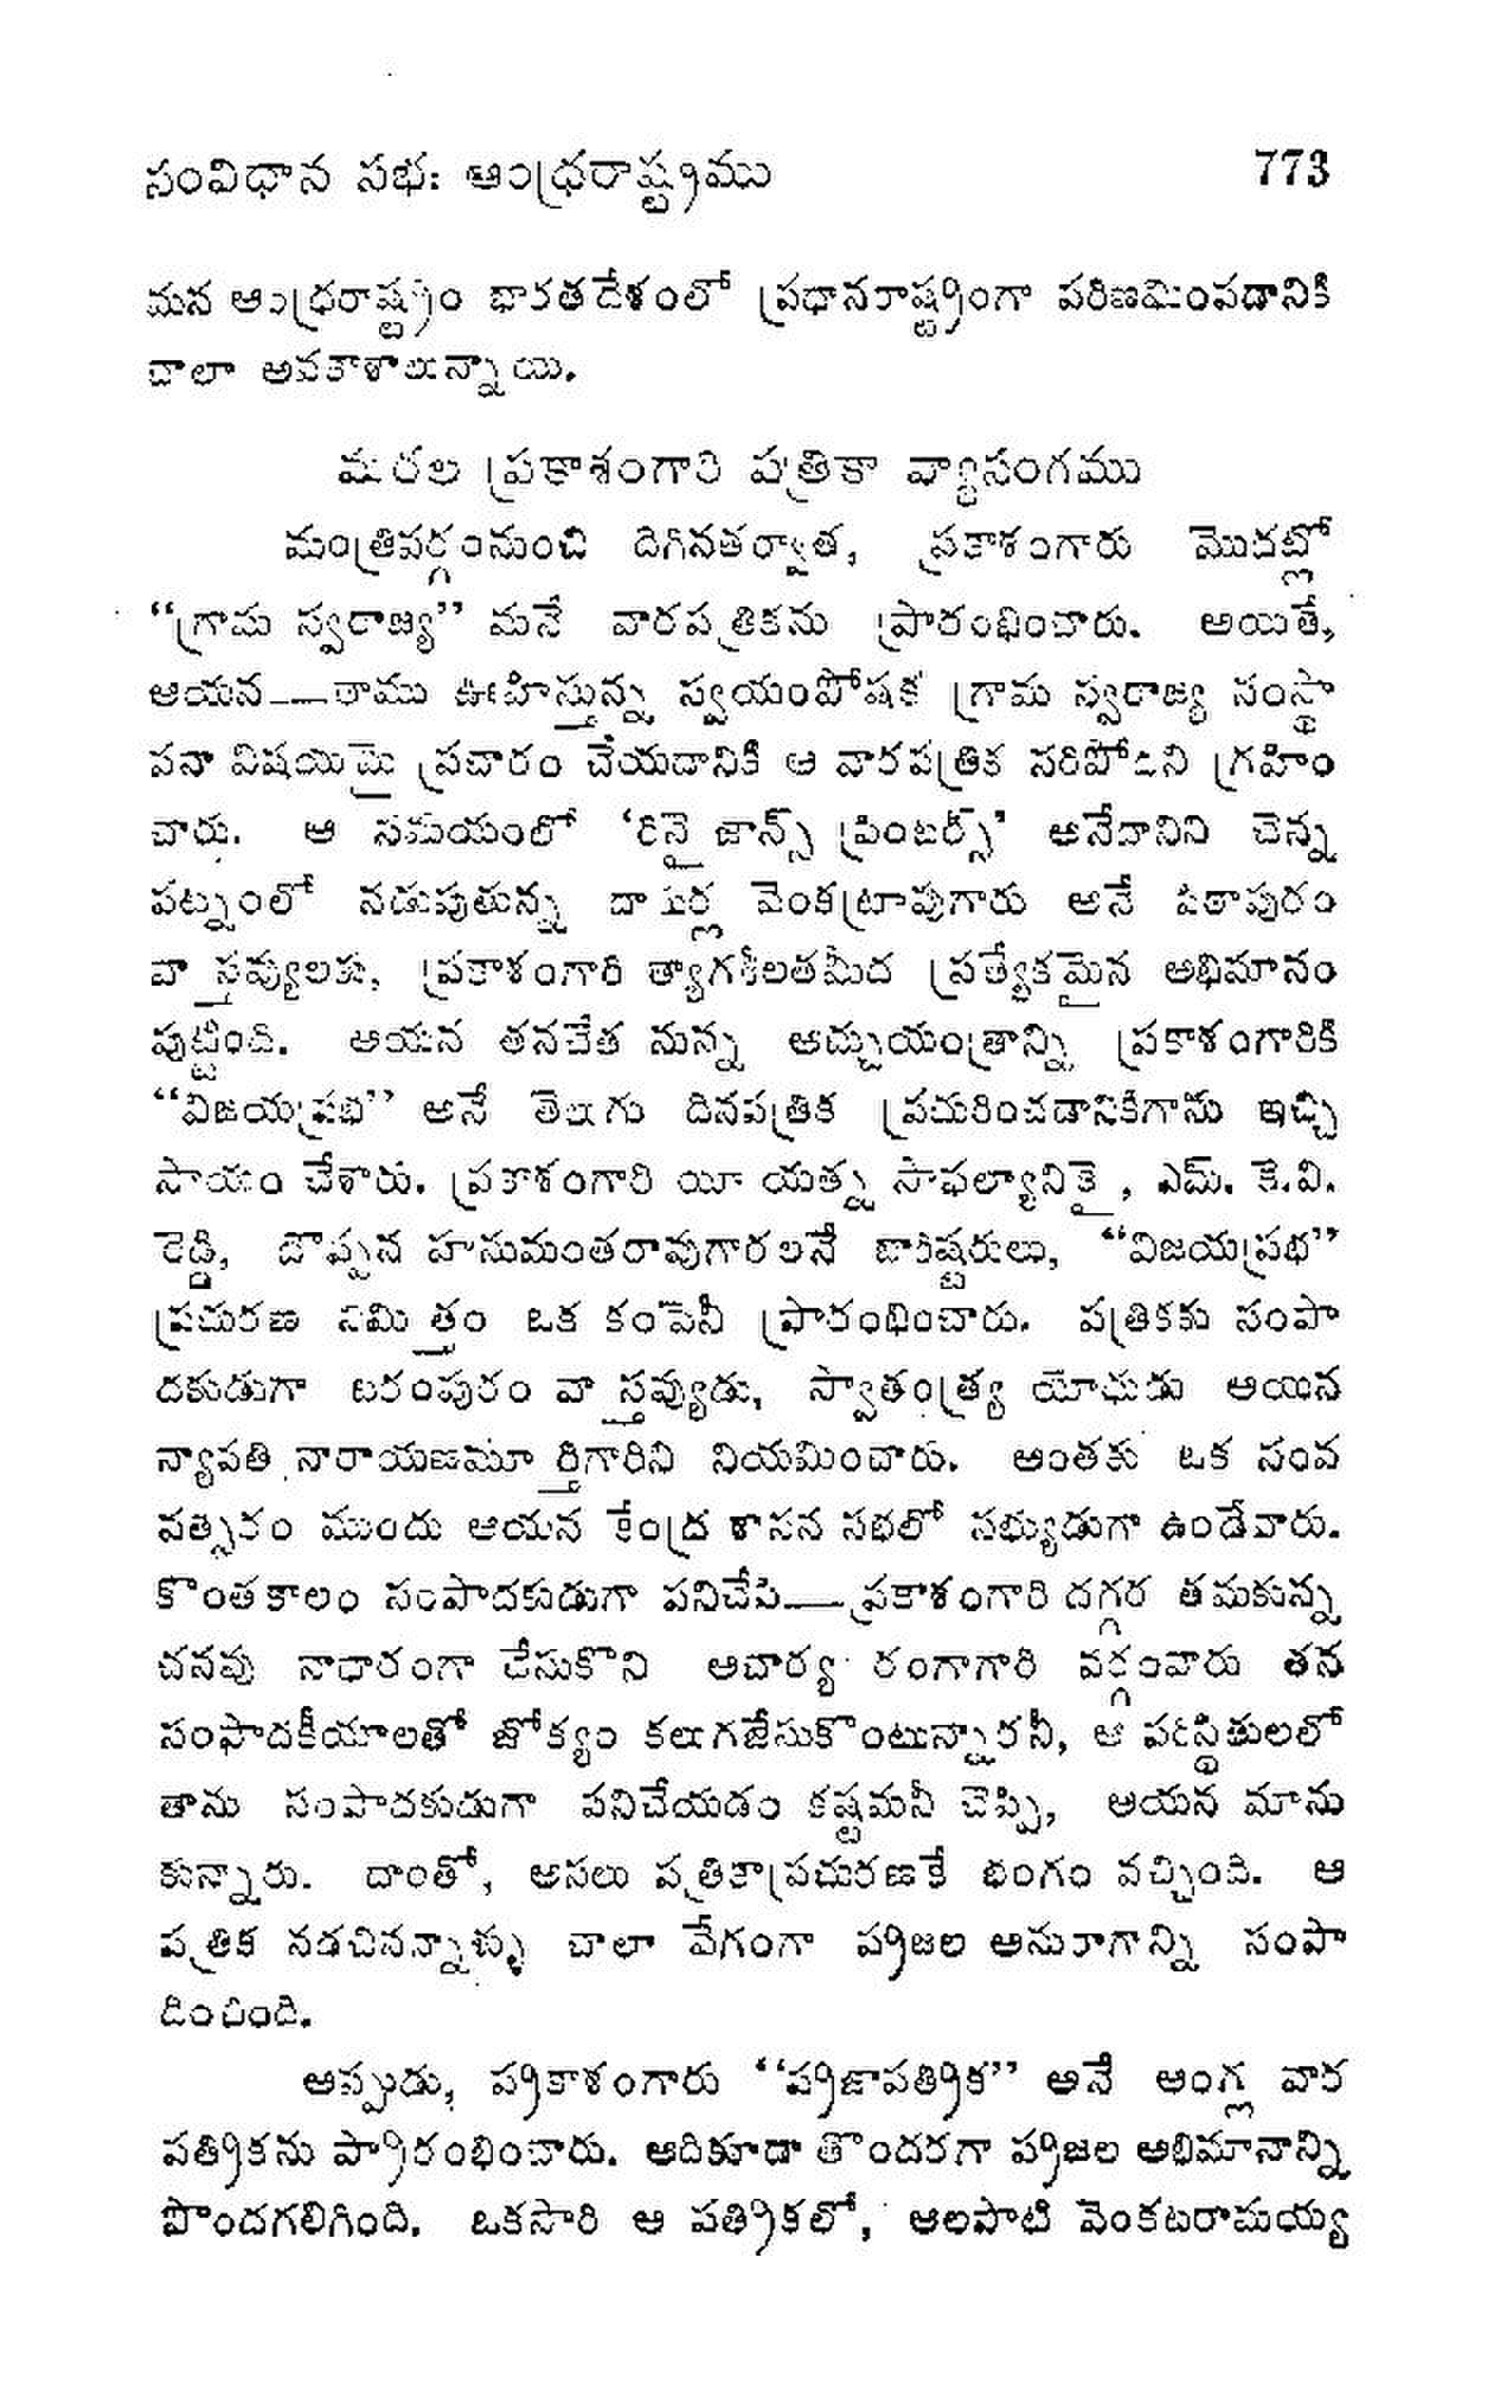మన ఆంధ్రరాష్ట్రం భారతదేశంలో ప్రధానరాష్ట్రంగా పరిణమింపడానికి చాలా అవకాశాలున్నాయి.

మంత్రివర్గంనుంచి దిగినతర్వాత, ప్రకాశంగారు మొదట్లో "గ్రామ స్వరాజ్య" మనే వారపత్రికను ప్రారంభించారు. అయితే, ఆయన - తాము ఊహిస్తున్న స్వయంపోషక గ్రామ స్వరాజ్య సంస్థాపనా విషయమై ప్రచారం చేయడానికి ఆ వారపత్రిక సరిపోదని గ్రహించారు. ఆ సమయంలో 'రినై జాన్స్ ప్రింటర్స్‌' అనేదానిని చెన్నపట్నంలో నడుపుతున్న దామర్ల వెంకట్రావుగారు అనే పిఠాపురం వాస్తవ్యులకు, ప్రకాశంగారి త్యాగశీలతమీద ప్రత్యేకమైన అభిమానం పుట్టింది. ఆయన తనచేత నున్న అచ్చుయంత్రాన్ని ప్రకాశంగారికి "విజయప్రభ" అనే తెలుగు దినపత్రిక ప్రచురించడానికిగాను ఇచ్చి సాయం చేశారు. ప్రకాశంగారి యీ యత్న సాఫల్యానికై, ఎమ్.కె.వి. రెడ్డి, బొప్పన హనుమంతరావుగారలనే బారిష్టరులు, "విజయప్రభ" ప్రచురణ నిమిత్తం ఒక కంపెనీ ప్రారంభించారు. పత్రికకు సంపాదకుడుగా బరంపురం వాస్తవ్యుడు, స్వాతంత్ర్య యోధుడు అయిన న్యాపతి నారాయణమూర్తిగారిని నియమించారు. అంతకు ఒక సంవత్సరం ముందు ఆయన కేంద్ర శాసన సభలో సభ్యుడుగా ఉండేవారు. కొంతకాలం సంపాదకుడుగా పనిచేసి - ప్రకాశంగారి దగ్గర తమకున్న చనవు నాధారంగా చేసుకొని ఆచార్య రంగాగారి వర్గంవారు తన సంపాదకీయాలతో జోక్యం కలుగజేసుకొంటున్నారనీ, ఆ పరిస్థితులలో తాను సంపాదకుడుగా పనిచేయడం కష్టమనీ చెప్పి, ఆయన మానుకున్నారు. దాంతో, అసలు పత్రికాప్రచురణకే భంగం వచ్చింది. ఆ పత్రిక నడచినన్నాళ్ళు చాలా వేగంగా ప్రజల అనురాగాన్ని సంపాదించింది.

అప్పుడు, ప్రకాశంగారు "ప్రజాపత్రిక" అనే ఆంగ్ల వార పత్రికను ప్రారంభించారు. అదికూడా తొందరగా ప్రజల అభిమానాన్ని పొందగలిగింది. ఒకసారి అ పత్రికలో, ఆలపాటి వెంకటరామయ్య